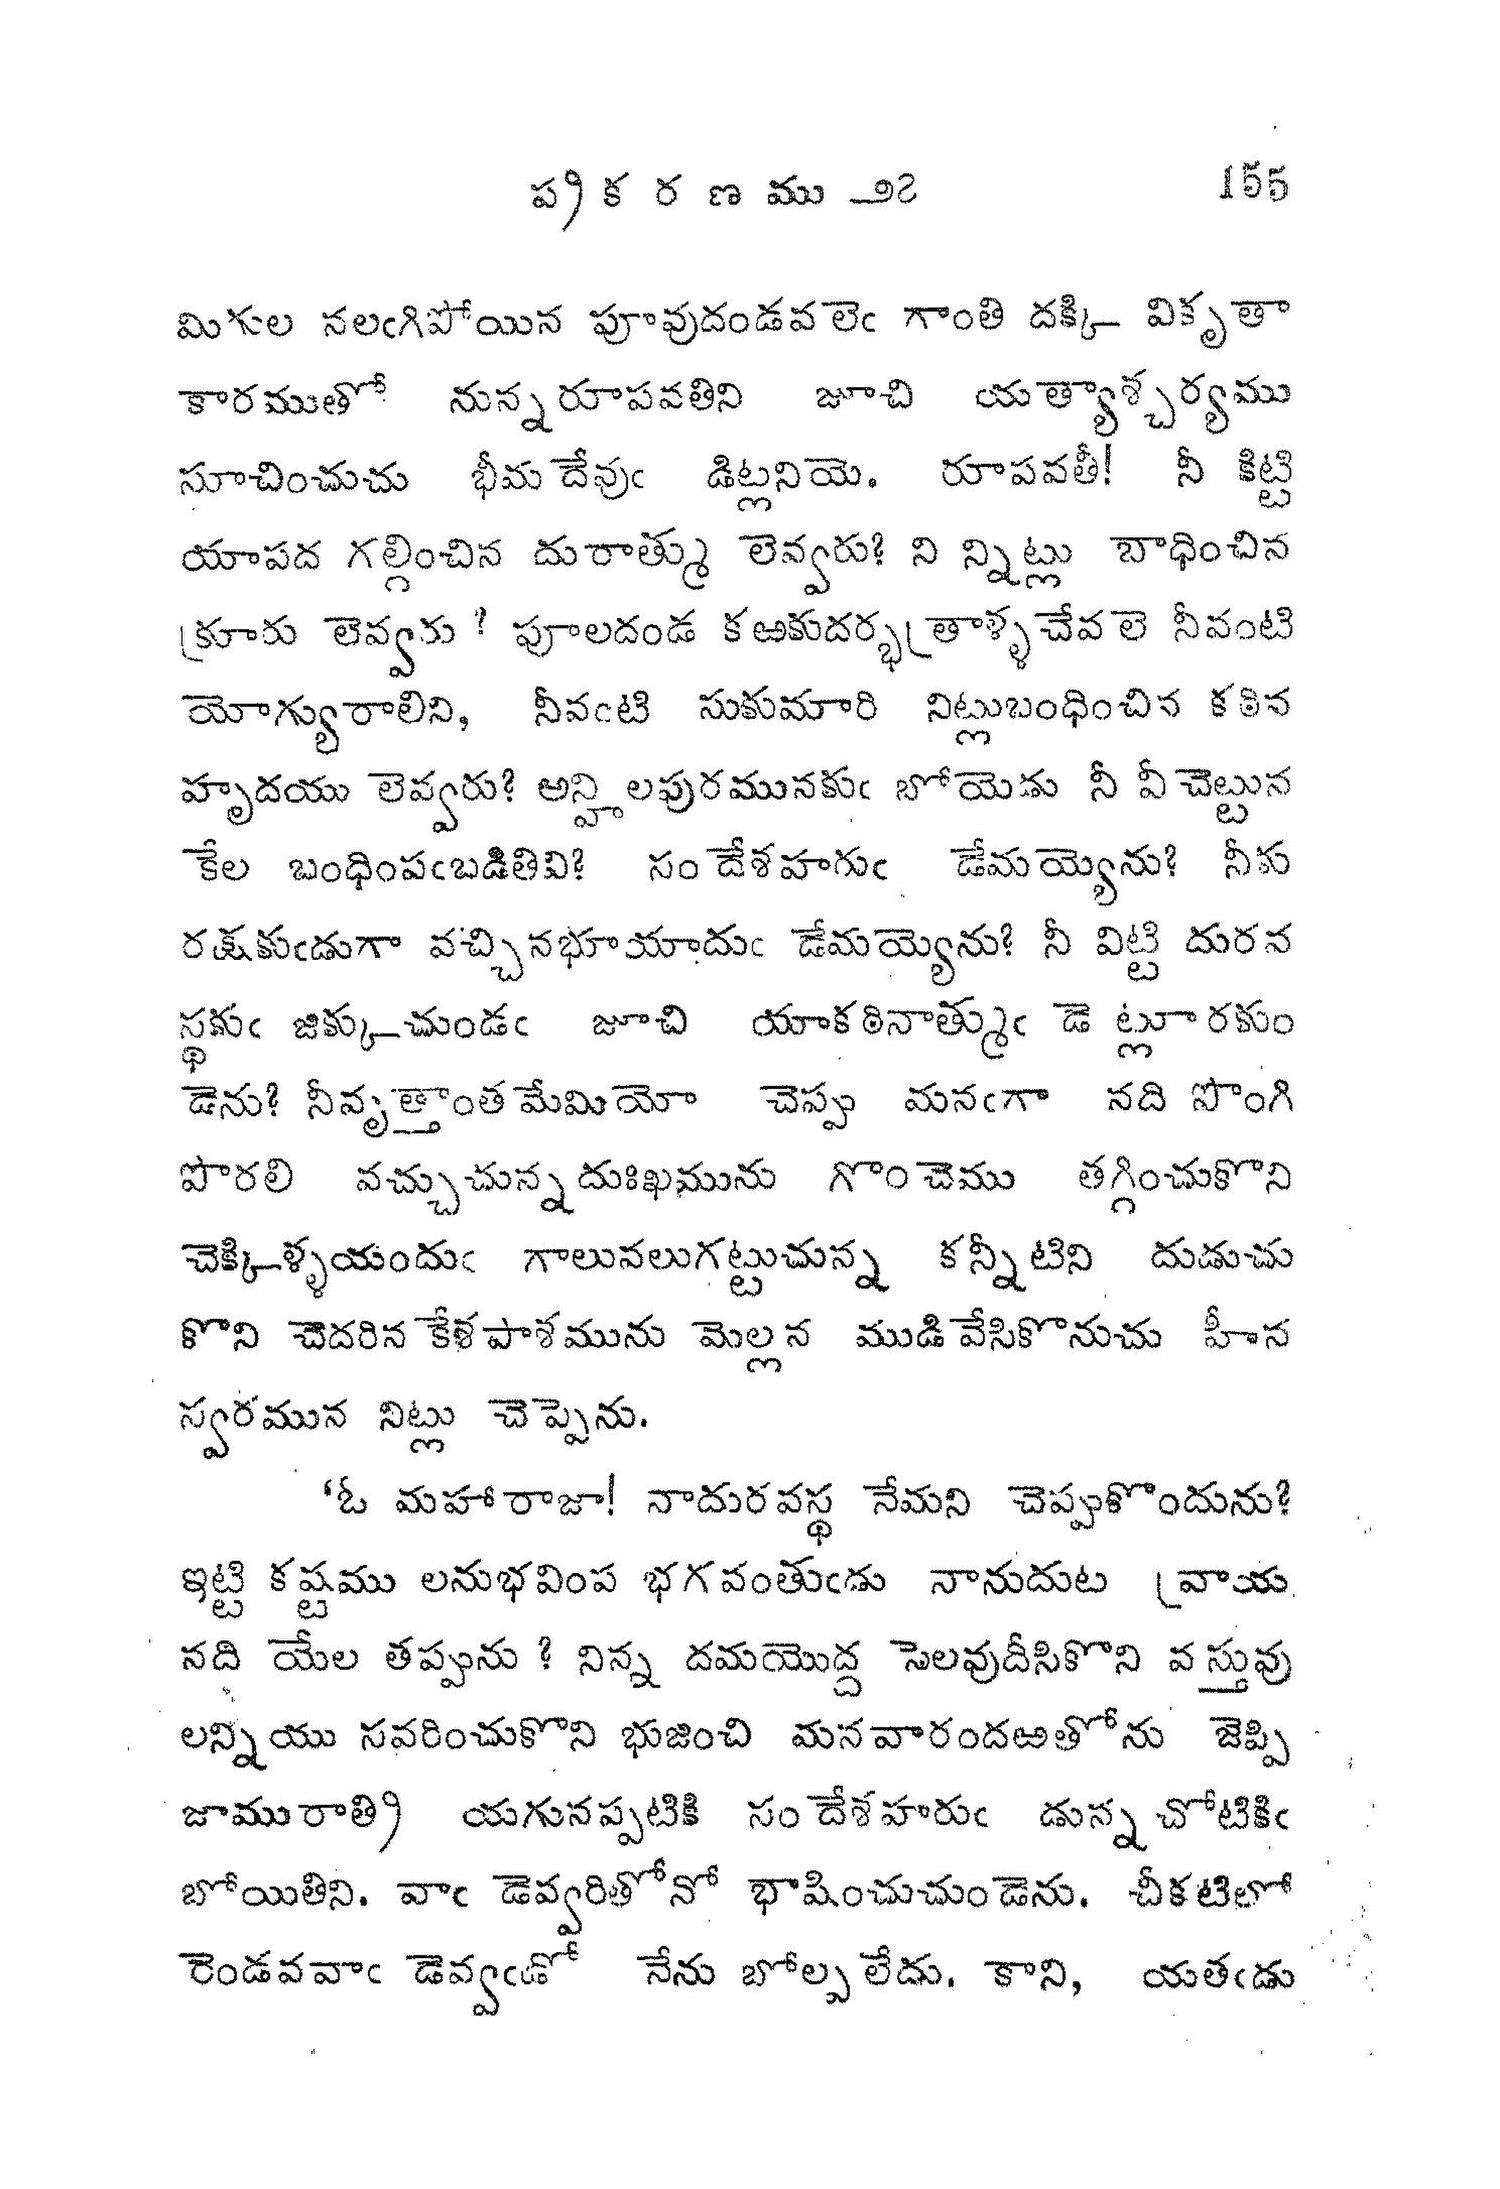మిగుల నలఁగిపోయిన పూవుదండవలెఁ గాంతి దక్కి వికృతా
కారముతో నున్న రూపవతిని జూచి యత్యాశ్చర్యము
సూచించుచు భీమ దేవుఁ డిట్లనియె. రూపవతీ! నీ కిట్టి
యాపద గల్గించిన దురాత్ము లెవ్వరు? నిన్నిట్లు బాధించిన
క్రూరు లెవ్వరు ! పూలదండ కఱకుదర్భ త్రాళ్ళ చేవ లె నీనంటి
యోగ్యురాలిని, నీవంటి సుకుమారి నిట్లు బంధించిన కఠిన
హృదయు లెవ్వరు? అన్దిలపురమునకుఁ బోయెడు నీ వీ చెట్టున
కేల బంధింపఁబడితివి? సందేశహరుడేమయ్యెను? నీకు
రక్షకుఁడుగా వచ్చిన భూయాదుఁ డేమయ్యెను? నీ విట్టి దురన
స్థకుఁ జిక్కుచుండఁ జూచి యాకఠినాత్ముఁ డెట్లూరకుం
డెను? నీనృత్తాంత మేమియో చెప్పు మనఁగా నది పొంగి
పొరలి వచ్చుచున్న దుఃఖమును గొంచెము తగ్గించుకొని
చెక్కిళ్ళయందుఁ గాలువలుగట్టుచున్న కన్నీటిని దుడుచు
కొని చెదరిన కేశపాశమును మెలన ముడి వేసికొనుచు హీన
స్వరమున నిట్లు చెప్పెను.

'ఓ మహా రాజా! నాదురవస్థ నేమని చెప్పుకొందును?
ఇట్టి కష్టము లనుభవింప భగవంతుఁడు నానుదుట వ్రాయ
నది యేల తప్పును ! నిన్న దమయొద్ద సెలవు దీసికొని వస్తువు
లన్నియు సవరించుకొని భుజించి మన వారందఱుతోను జెప్పి
జాము రాత్రి యగునప్పటికి సం దేశహరుఁ డున్న చోటికిఁ
బోయితిని. వాఁ డెవ్వరితోనో భాషించుచుండెను. చీకటిలో
రెండవ వాఁ డెవ్వడో నేను బోల్ప లేదు. కాని, యతఁడు